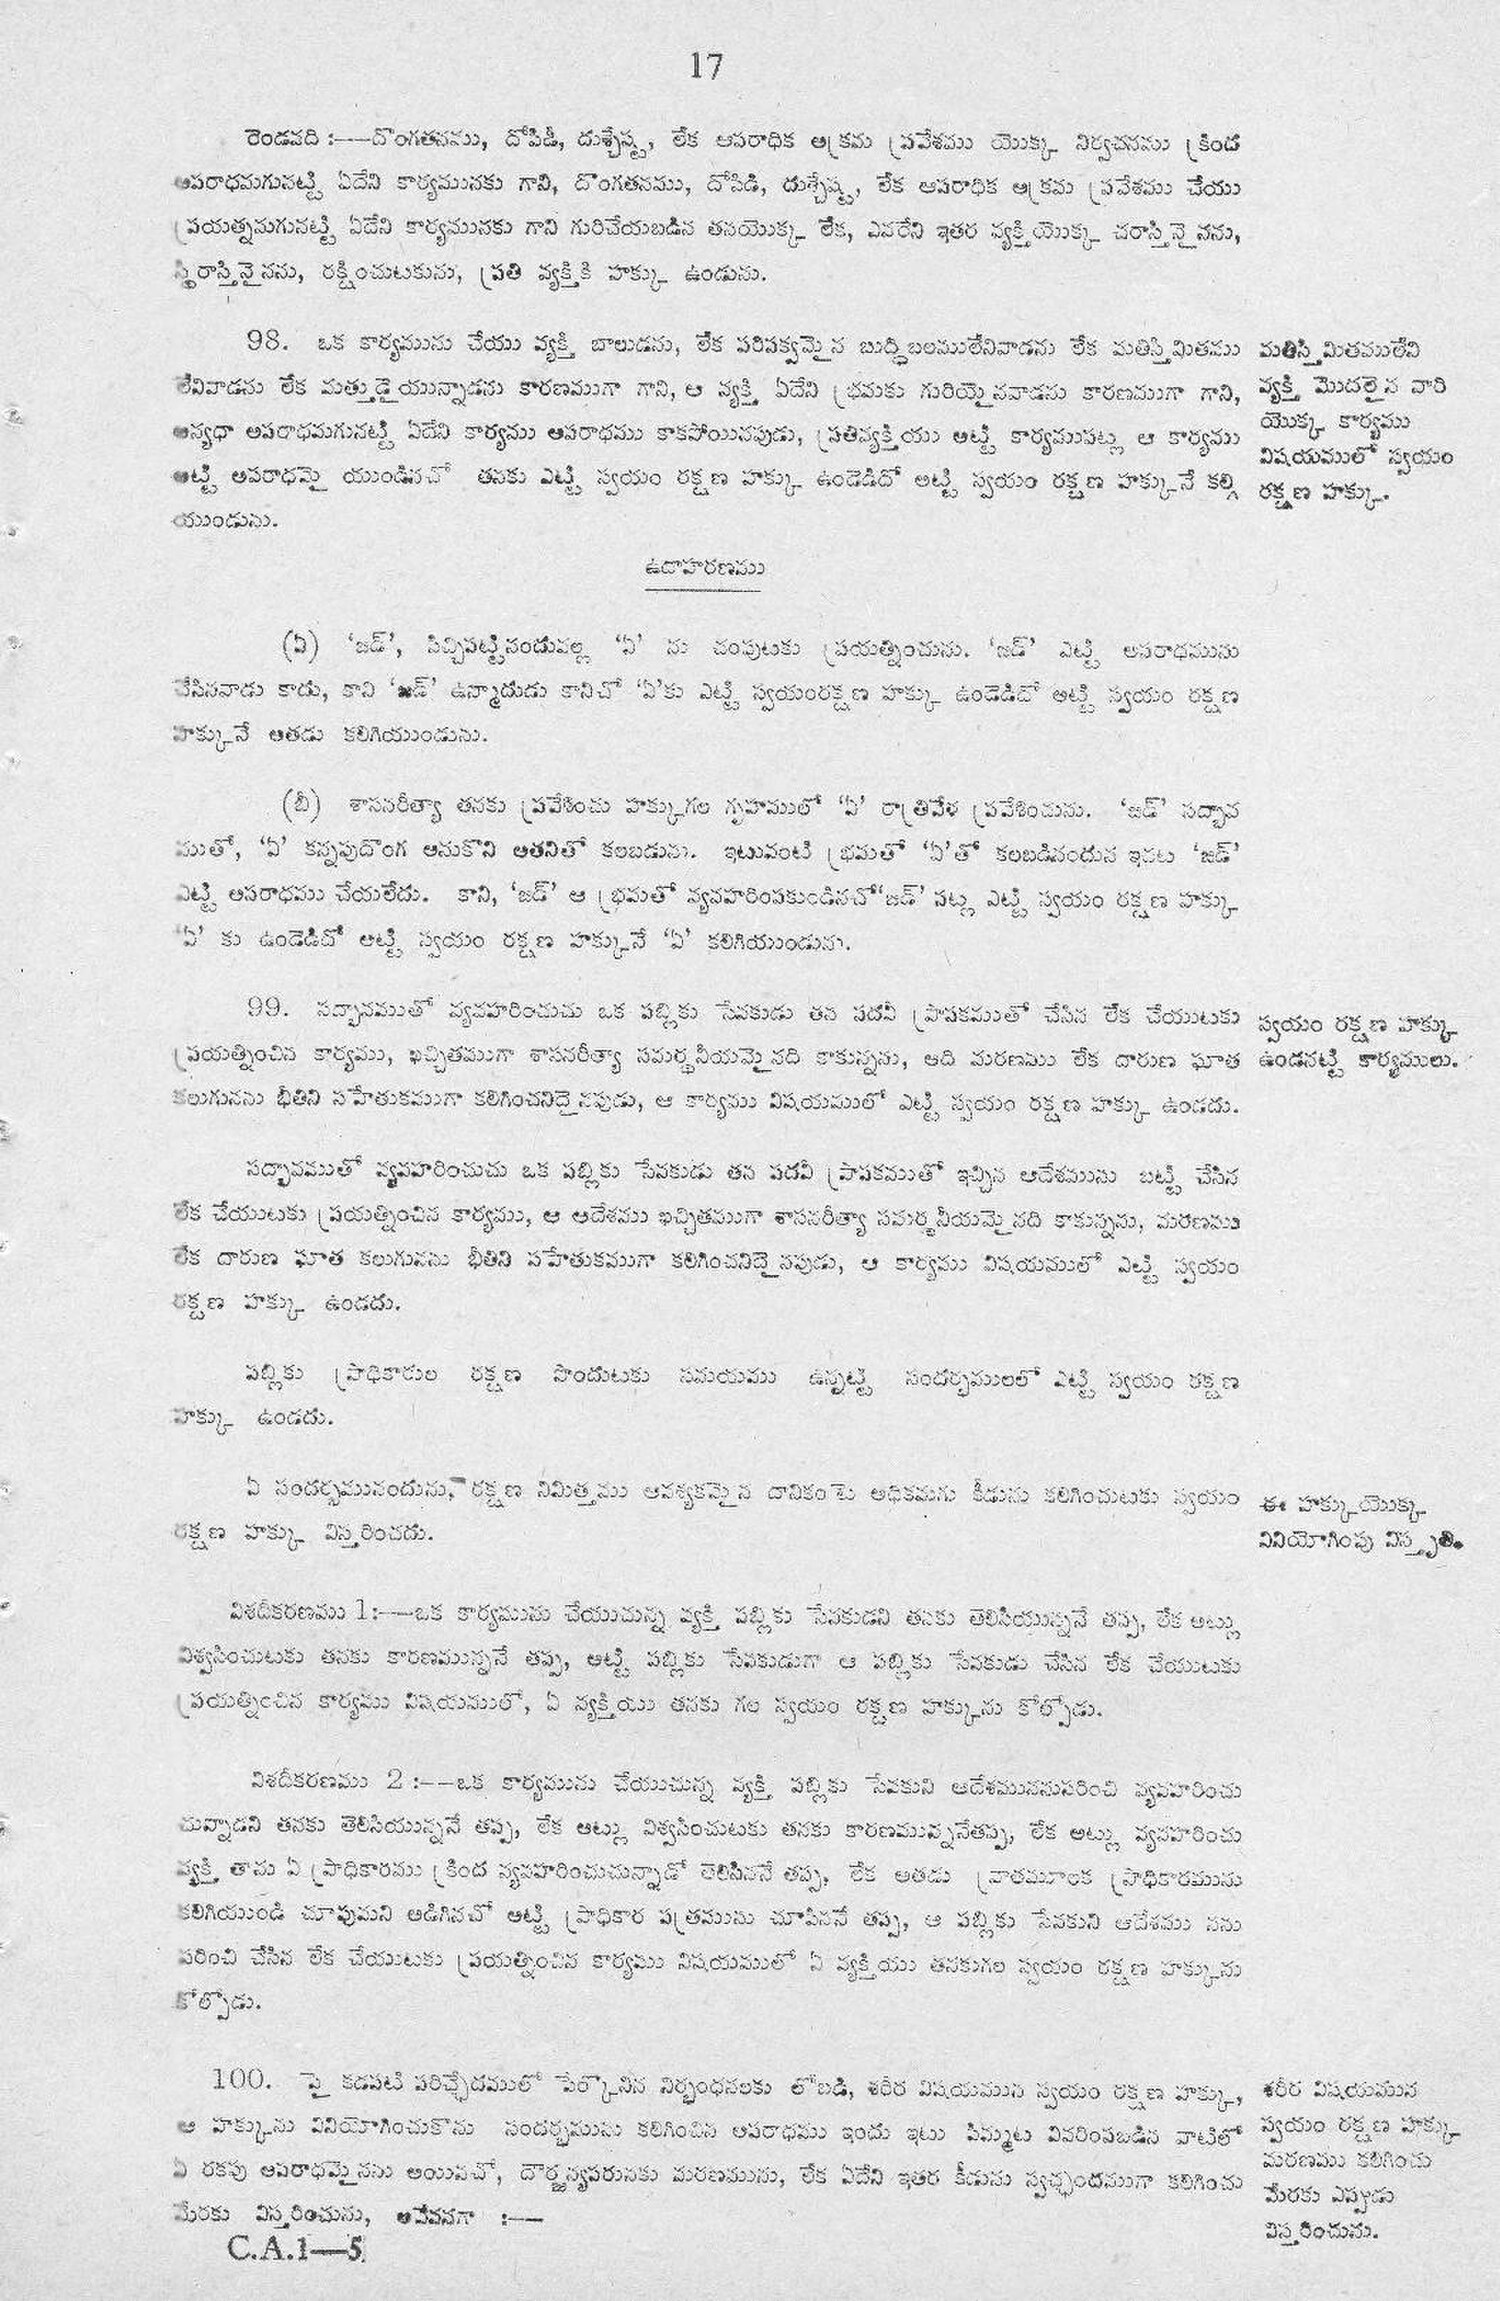రెండవది :- ---దొంగతనము, దోపిడీ, దుశ్చేష్ట, లేక అపరాధిక అక్రమ ప్రవేశము యొక్క నిర్వచనము క్రింద
అపరాధమగుపట్టి ఏదేని కార్యమునకు గాని, దొంగతనము, దోపిడి, దుశ్చేష్ట, లేక అపరాధిక ఆక్రమ ప్రవేశము చేయు
ప్రయత్నమగునట్టి ఏదేని కార్యమునకు గాని గురిచేయబడిన తనయొక్క లేక, ఎవరేని ఇతర వ్యక్తి యొక్క చరాస్తినైనను,
స్థిరాస్తి నైనను, రక్షించుటకును, ప్రతి వ్యక్తికి హక్కు ఉండును.

మతిస్తిమితములేని వ్యక్తి మొదలైన వారి యొక్క కార్యము విషయములో స్వయం రక్షణ హక్కు.

98. ఒక కార్యమును చేయు వ్యక్తి బాలుడను, లేక పరిపక్వమైన బుద్ధిబలము లేనివాడను లేక మతిస్తి మితము 
లేనివాడను లేక మత్తుడై యున్నాడను కారణముగా గాని, ఆ వ్యక్తి. ఏదేని భ్రమకు గురియైనవాడను కారణముగా గాని, అన్యధా అపరాధమగునట్టి ఏదేని కార్యము ఆపరాధము కాకపోయినపుడు, ప్రతివ్యక్తియు అట్టి కార్యముపట్ల ఆ కార్యము
అట్టి అపరాధపై యుండినచో తనకు ఎట్టి స్వయం రక్షణ హక్కు ఉండెడిదో అట్టి స్వయం రక్షణ హక్కునే కల్గి యుండును.

(ఎ) 'జడ్', పిచ్చిపట్టి నందువల్ల 'ఎ' ను చంపుటకు ప్రయత్నించును. 'జడ్' ఎట్టి అపరాధమును చేసినవాడు కాడు, కాని 'జడ్' ఉన్మాదుడు కానిచో 'ఏ'కు ఎట్టి స్వయంరక్షణ హక్కు ఉండెడిదో అట్టి స్వయం రక్షణ హక్కునే అతడు కలిగియుండును.

(బి) శాసనరీత్యా తనకు ప్రవేశించు హక్కు గల గృహములో 'ఏ' రాత్రివేళ ప్రవేశించును. 'జడ్' సద్భావముతో, 'ఏ' కన్నపుదొంగ ఆనుకొని అతనితో కలబడును. ఇటువంటి భ్రమతో 'ఏ'తో కలబడినందున ఇచట 'జడ్' ఎట్టి అపరాధము చేయలేదు. కానీ, 'జడ్' ఆ భ్రమతో వ్యవహరింపకుండినచో 'జడ్ ' పట్ల ఎట్టి స్వయం రక్షణ హక్కు 'ఏ' కు ఉండెడిదో అట్టి స్వయం రక్షణ హక్కునే 'ఏ' కలిగియుండును,

స్వయం రక్షణ హక్కు ఉండనట్టి కార్యములు.

99. సద్భావముతో వ్యవహరించుచు ఒక పబ్లికు సేవకుడు తన పదవీ ప్రాపకముతో చేసిన లేక చేయుటకు ప్రయత్నించిన కార్యము, ఖచ్చితముగా శాసనరీత్యా సమర్ధనీయమైనది కాకున్నను, ఆది మరణము లేక దారుణ ఘాత కలుగునను భీతిని సహేతుకముగా కలిగించనిదై నపుడు, ఆ కార్యము విషయములో ఎట్టి స్వయం రక్షణ హక్కు ఉండదు.

సద్భావముతో వ్యవహరించుచు ఒక పబ్లికు సేవకుడు తన పదవీ ప్రాపకముతో ఇచ్చిన ఆదేశమును బట్టి చేసిన
లేక చేయుటకు ప్రయత్నించిన కార్యము, ఆ ఆదేశము ఖచ్చితముగా శాసనరీత్యా సమర్థనీయమైనది కాకున్నను, మరణము లేక దారుణ ఘాత కలుగునను భీతిని సహేతుకముగా కలిగించనిదై నప్పుడు, ఆ కార్యము విషయములో ఎట్టి స్వయం రక్షణ హక్కు ఉండదు.

పబ్లికు ప్రాధికారుల రక్షణ పొందుటకు సమయము ఉన్నట్టి సందర్భములలో ఎట్టి స్వయం రక్షణ హక్కు ఉండదు.

ఈ హక్కు యొక్క వినియోగింపు విస్తృతి,

ఏ సందర్భమునందును, రక్షణ నిమిత్తము ఆవశ్యకమైన దానికంటె అధికమగు కీడును కలిగించుటకు స్వయం ఈ రక్షణ హక్కు విస్తరించదు.

విశదీకరణము 1:--- ఒక కార్యమును చేయుచున్న వ్యక్తి పబ్లికు సేవకుడని తనకు తెలిసియున్ననే తప్ప, లేక అట్లు
విశ్వసించుటకు తనకు కారణమున్ననే తప్ప, అట్టి పబ్లికు సేవకుడుగా ఆ పబ్లికు సేవకుడు చేసిన లేక చేయుటకు
ప్రయత్నించిన కార్యము విషయములో, ఏ వ్యక్తియు తనకు గల స్వయం రక్షణ హక్కును కోల్పోడు.

విశదీకరణము 2 :-- ఒక కార్యమును చేయుచున్న వ్యక్తి పబ్లికు సేవకుని ఆదేశముననుసరించి వ్యవహరించు చున్నాడని తనకు తెలిసియున్ననే తప్ప, లేక ఆట్లు విశ్వసించుటకు తనకు కారణమున్ననేతప్ప, లేక అట్లు వ్యవహరించు వ్యక్తి తాను ఏ ప్రాధికారము క్రింద వ్యవహరించుచున్నాడో తెలిసిననే తప్ప, లేక అతడు వ్రాతమూలక ప్రాధికారమును
కలిగియుండి చూపుమని ఆడిగినచో అట్టి ప్రాధికార పత్రమును చూపిననే తప్ప, ఆ పబ్లికు సేవకుని ఆదేశము నను
సరించి చేసిన లేక చేయుటకు ప్రయత్నించిన కార్యము విషయములో ఏ వ్యక్తియు తనకు గల స్వయం రక్షణ హక్కును
కోల్పోడు.

శరీర విషయమున స్వయం రక్షణ హక్కు మరణము కలిగించు మేరకు ఎప్పుడు విస్తరించును.

100. పై కడపటి పరిచ్ఛేదములో పేర్కొనిన నిర్భంధనలకు లోబడి, శరీర విషయమున స్వయం రక్షణ హక్కు, ఆ హక్కును వినియోగించుకొను సందర్భమును కలిగించిన అపరాధము ఇందు ఇటు పిమ్మట వివరింపబడిన వాటిలో ఏ రకపు ఆపరాధమైనను అయినచో, దౌర్జన్యపరునకు మరణమును, లేక ఏదేని ఇతర కీడును స్వచ్ఛందముగా కలిగించు
మేరకు విస్తరించును, అవేవనగా:——